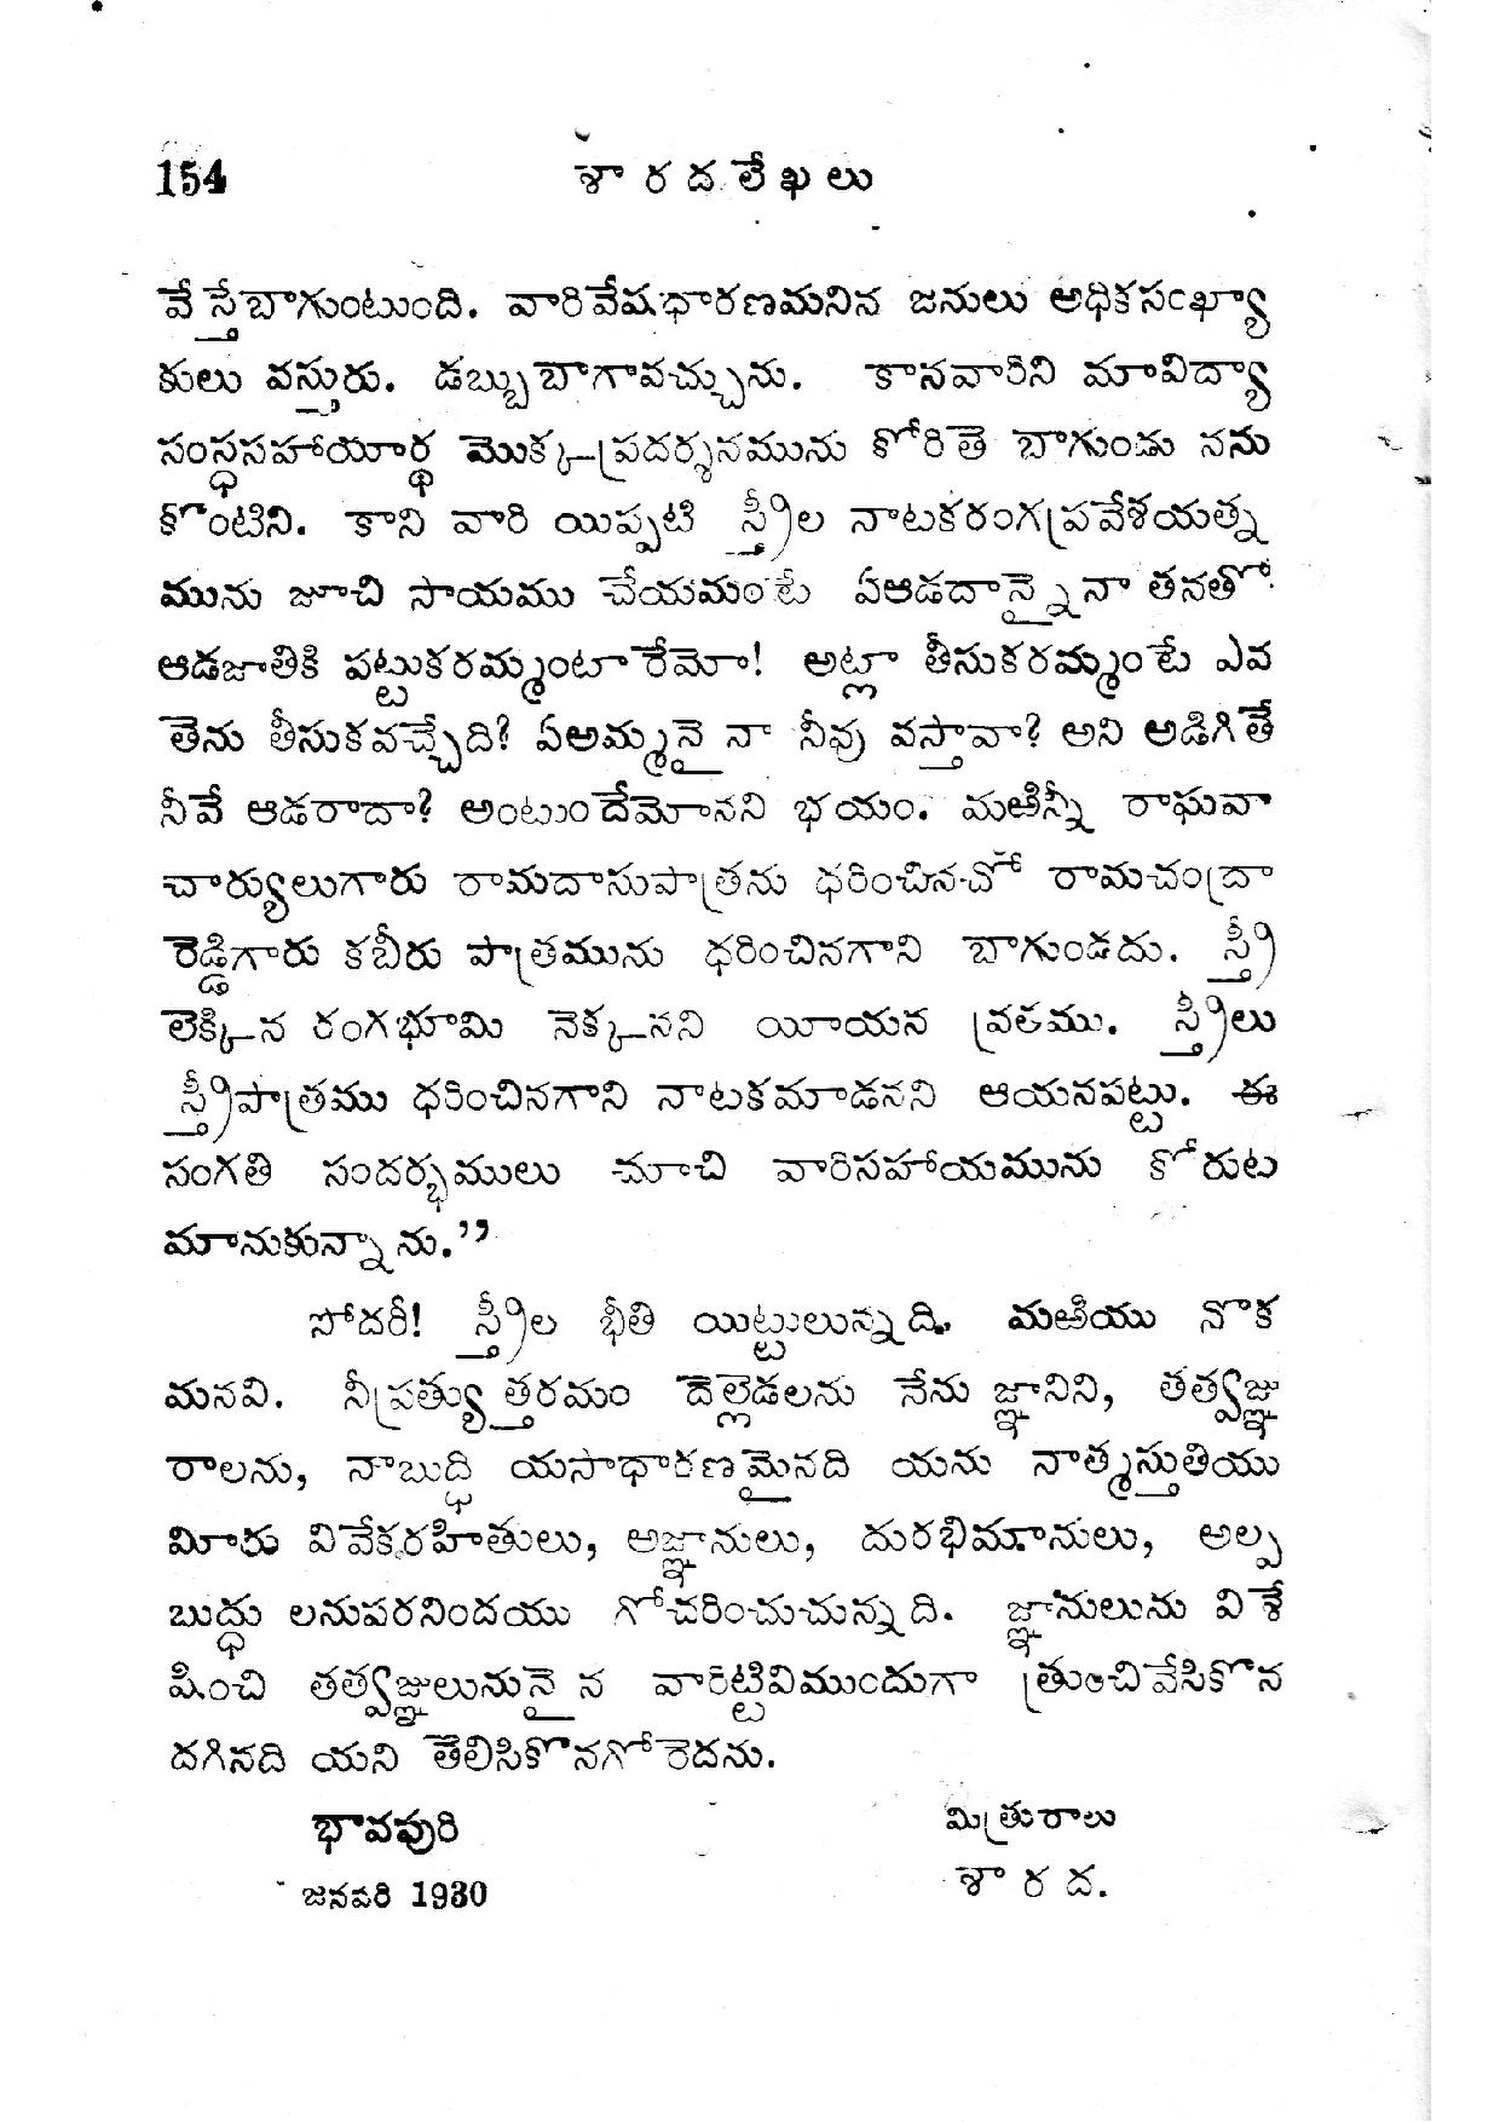వేస్తేబాగుంటుంది. వారివేషధారణమనిన జనులు అధికసంఖ్యాకులు వస్తురు. డబ్బుబాగావచ్చును. కానవారిని మావిద్యాసంస్థసహాయార్థం మొక్కప్రదర్శనమును కోరితె బాగుండు ననుకొంటిని. కాని వారి యిప్పటి స్త్రీల నాటకరంగప్రవేశయత్నమును జూచి సాయము చేయమంటే ఏఆడదాన్నైనా తనతో ఆడజాతికి పట్టుకరమ్మంటారేమో! అట్లా తీసుకురమ్మంటే ఎవతెను తీసుకవచ్చేది? ఏఅమ్మనైనా నీవు వస్తావా? అని అడిగితే నీవే ఆడరాదా? అంటుందేమోనని భయం. మఱిన్నీ రాఘవాచార్యులుగారు రామదాసుపాత్రను ధరించినచో రామచంద్రారెడ్డిగారు కబీరు పాత్రమును ధరించినగాని బాగుండదు. స్త్రీ లెక్కిన రంగభూమి నెక్కనని యీయన వ్రతము. స్త్రీలు స్త్రీపాత్రము ధరించినగాని నాటకమాడనని ఆయనపట్టు. ఈ సంగతి సందర్భములు చూచి వారిసహాయమును కోరుట మానుకున్నాను.”

సోదరీ! స్త్రీల భీతి యిట్టులున్నది. మఱియు నొక మనవి. నీప్రత్యుత్తరము దెల్లెడలను నేను జ్ఞానిని, తత్వజ్ఞురాలను, నాబుద్ధి యసాధారణమైనది యను నాత్మస్తుతియు విూరు వివేకరహితులు, అజ్ఞానులు, దురభిమానులు, అల్పబుద్ధు లనుపరనిందయు గోచరించుచున్నది. జ్ఞానులును విశేషించి తత్వజ్ఞులునునైన వారిట్టివిముందుగా త్రుంచివేసికొనదగినది యని తెలిసికొనగోరెదను.